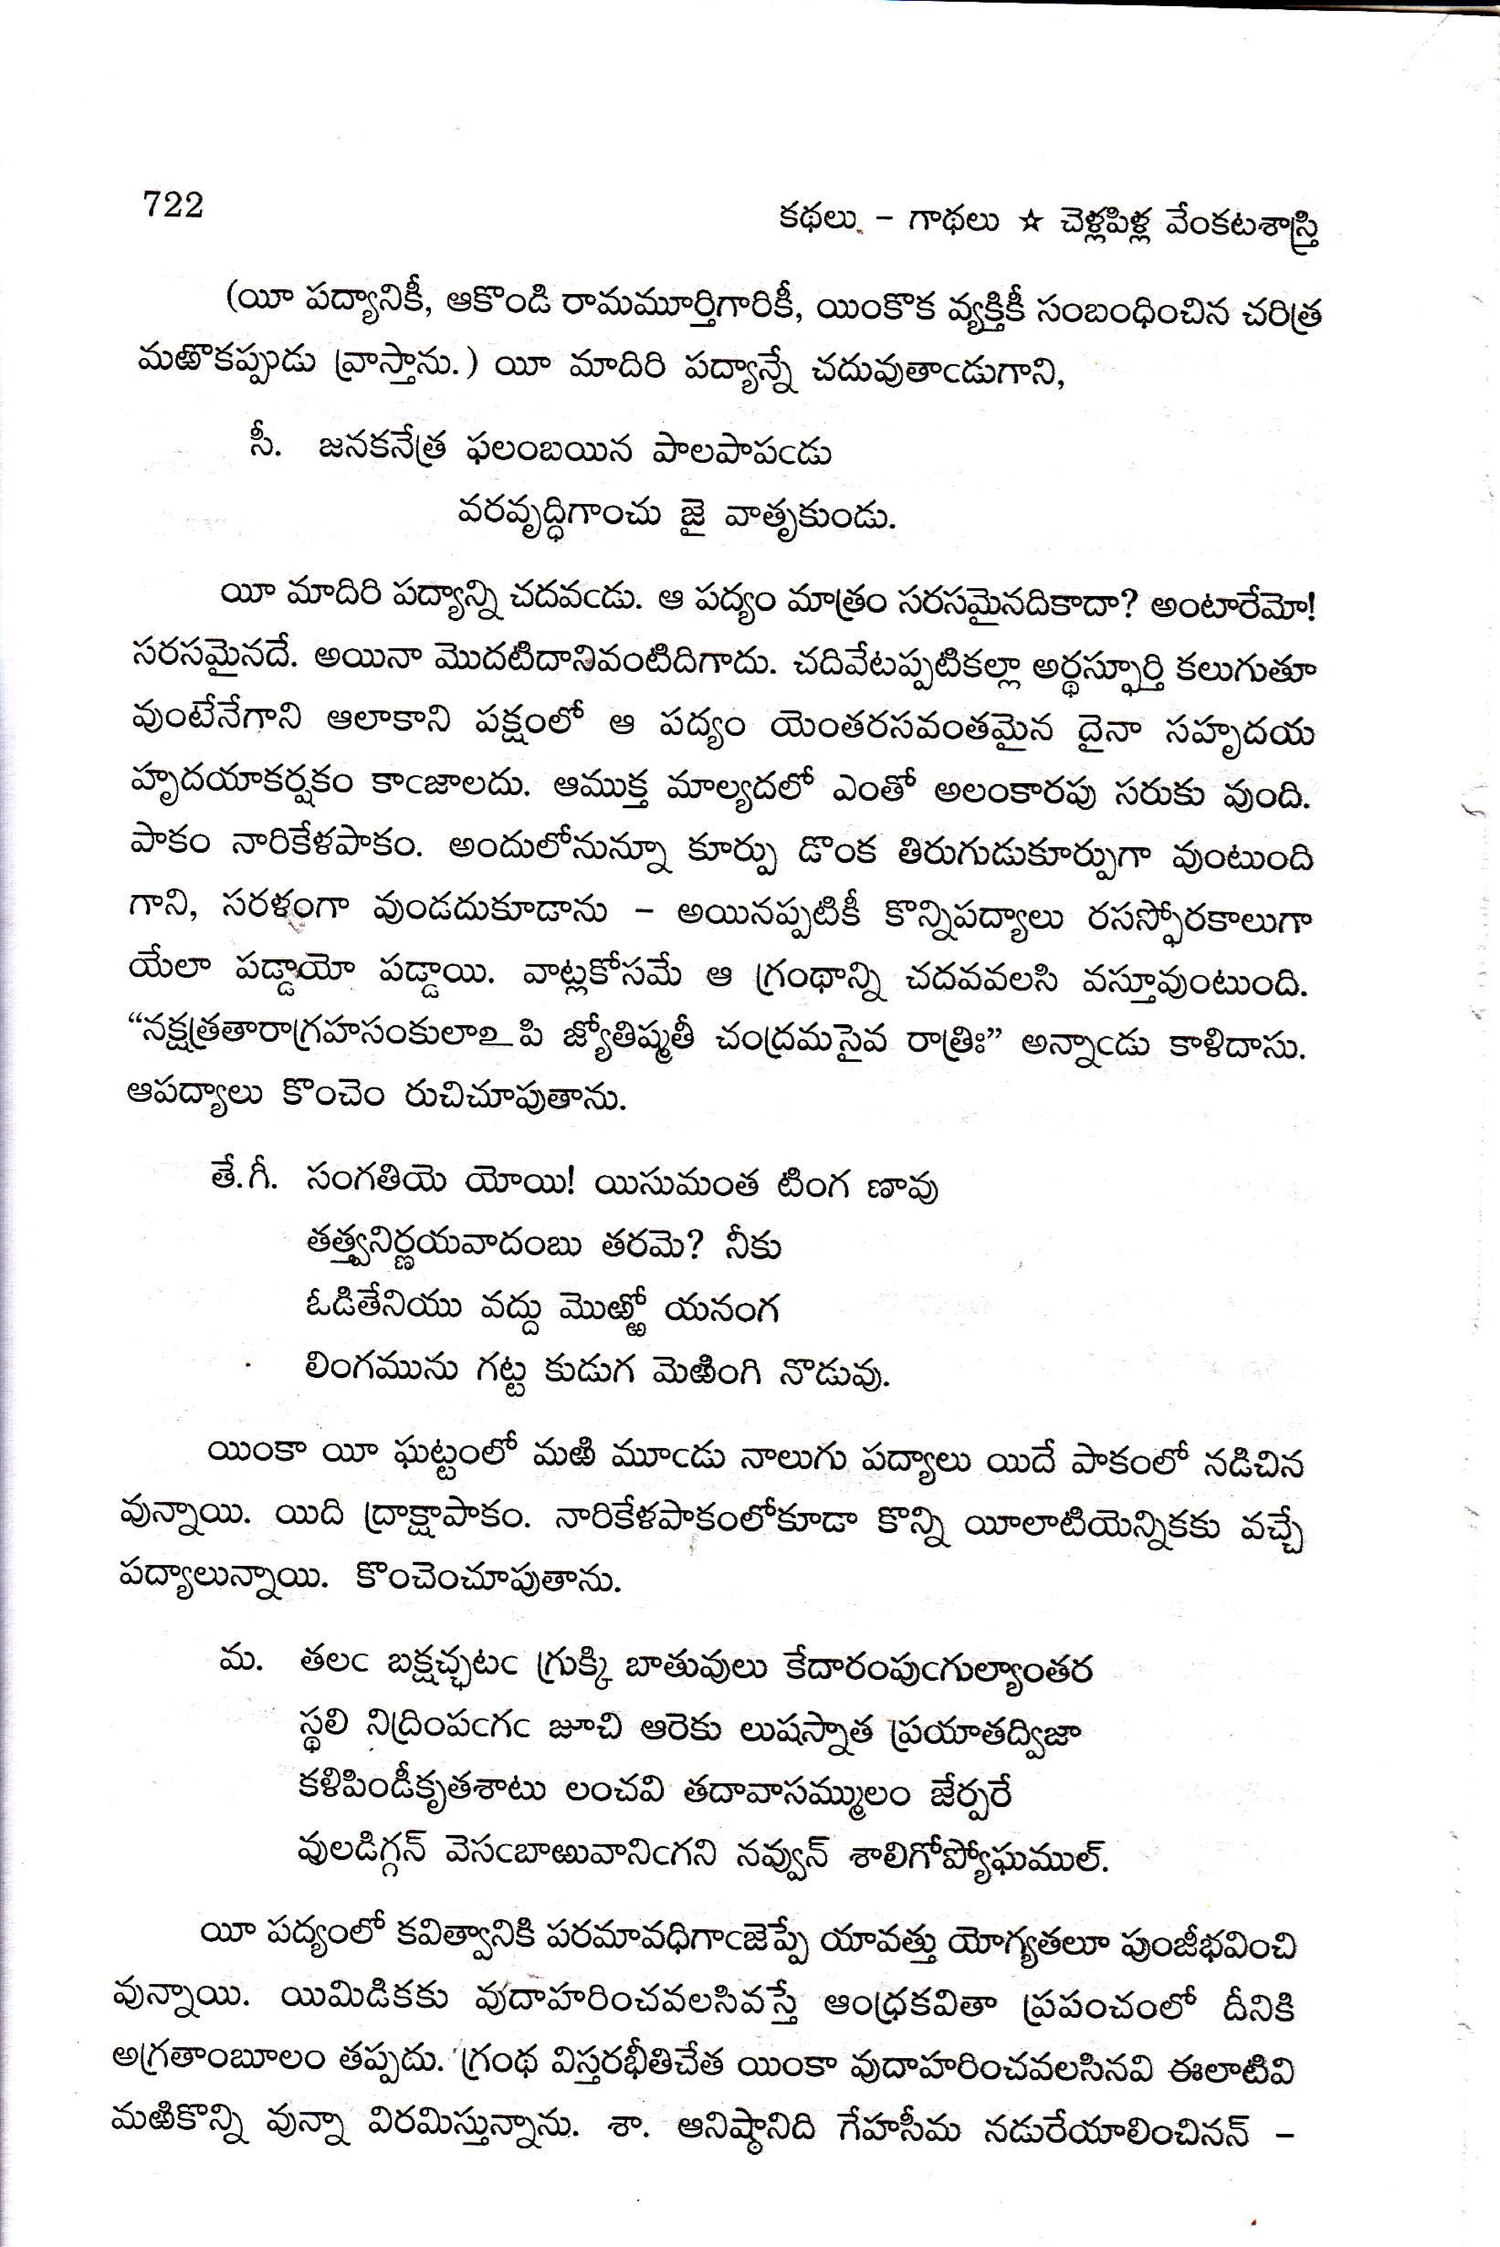(యీ పద్యానికీ, ఆకొండి రామమూర్తిగారికీ, యింకొక వ్యక్తికీ సంబంధించిన చరిత్ర మఱొకప్పుడు వ్రాస్తాను.) యీ మాదిరి పద్యాన్నే చదువుతాఁడుగాని,

సీ. జనకనేత్ర ఫలంబయిన పాలపాపఁడు
 వరవృద్ధిగాంచు జై వాతృకుండు.
యీ మాదిరి పద్యాన్ని చదవఁడు. ఆ పద్యం మాత్రం సరసమైనదికాదా? అంటారేమో! సరసమైనదే. అయినా మొదటిదానివంటిదిగాదు. చదివేటప్పటికల్లా అర్థస్ఫూర్తి కలుగుతూ వుంటేనేగాని ఆలాకాని పక్షంలో ఆ పద్యం యెంతరసవంతమైన దైనా సహృదయ హృదయాకర్షకం కాఁజాలదు. ఆముక్త మాల్యదలో ఎంతో అలంకారపు సరుకు వుంది. పాకం నారికేళపాకం. అందులోనున్నూ కూర్పు డొంక తిరుగుడుకూర్పుగా వుంటుంది గాని, సరళంగా వుండదుకూడాను - అయినప్పటికీ కొన్నిపద్యాలు రసస్ఫోరకాలుగా యేలా పడ్డాయో పడ్డాయి. వాట్లకోసమే ఆ గ్రంథాన్ని చదవవలసి వస్తూవుంటుంది. "నక్షత్రతారాగ్రహసంకులా౽పి జ్యోతిష్మతీ చంద్రమసైవ రాత్రిః" అన్నాఁడు కాళిదాసు. ఆపద్యాలు కొంచెం రుచిచూపుతాను.

తే.గీ. సంగతియె యోయి! యిసుమంత టింగ ణావు
 తత్త్వనిర్ణయవాదంబు తరమె? నీకు 
 ఓడితేనియు వద్దు మొఱ్ఱో యనంగ 
 లింగమును గట్ట కుడుగ మెఱింగి నొడువు.
యింకా యీ ఘట్టంలో మఱి మూఁడు నాలుగు పద్యాలు యిదే పాకంలో నడిచిన వున్నాయి. యిది ద్రాక్షాపాకం. నారికేళపాకంలోకూడా కొన్ని యీలాటియెన్నికకు వచ్చే పద్యాలున్నాయి. కొంచెంచూపుతాను. -

మ. తలఁ బక్షచ్చటఁ గ్రుక్కి బాతువులు కేదారంపుఁగుల్యాంతర 
 స్థలి నిద్రింపఁగఁ జూచి ఆరెకు లుషస్నాత ప్రయాతద్విజా 
 కళిపిండీకృతశాటు లంచవి తదావాసమ్ములం జేర్పరే 
 వులడిగ్గన్ వెసఁబాఱువానిఁగని నవ్వున్ శాలిగోప్యోఘముల్,
యీ పద్యంలో కవిత్వానికి పరమావధిగాఁజెప్పే యావత్తు యోగ్యతలూ పుంజీభవించి వున్నాయి. యిమిడికకు వుదాహరించవలసివస్తే ఆంధ్రకవితా ప్రపంచంలో దీనికి అగ్రతాంబూలం తప్పదు. గ్రంథ విస్తరభీతిచేత యింకా వుదాహరించవలసినవి ఈలాటివి మఱికొన్ని వున్నా విరమిస్తున్నాను. శా. ఆనిష్ఠానిది గేహసీమ నడురేయాలించినన్ -